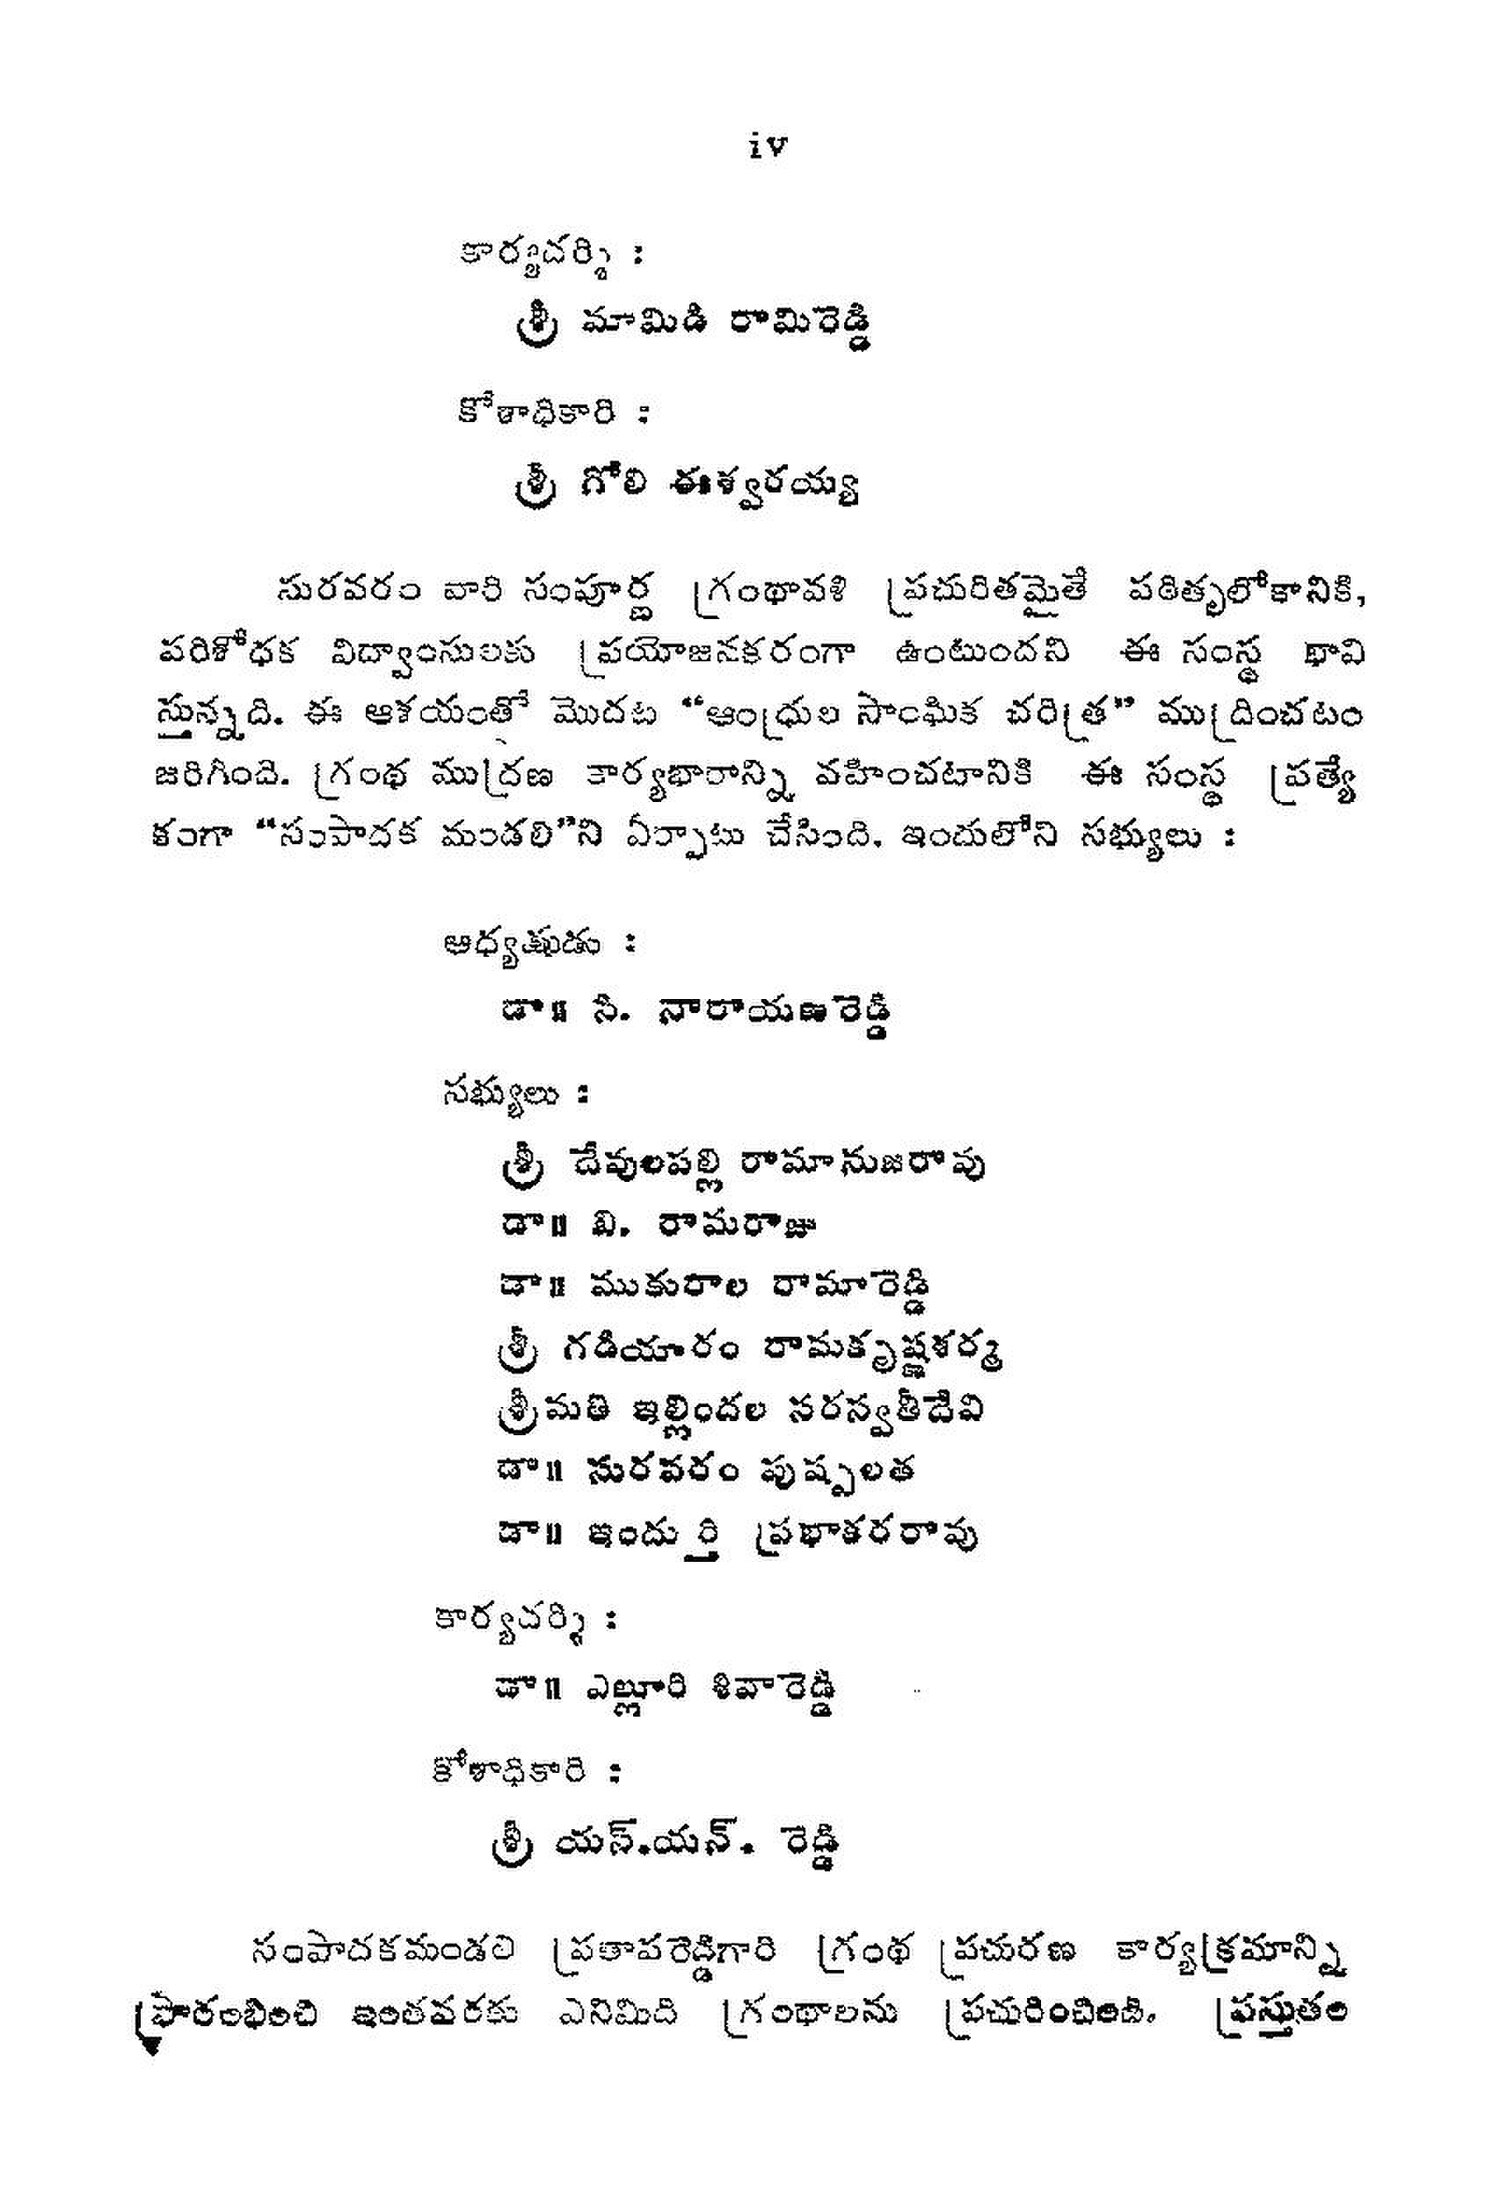సురవరం వారి సంపూర్ణ గ్రంథావళి ప్రచురితమైతే పఠితృలోకానికి, పరిశోధక విద్వాంసులకు ప్రయోజనకరంగా ఉంటుందని ఈ సంస్థ భావిస్తున్నది. ఈ ఆశయంతో మొదట "ఆంధ్రుల సాంఘిక చరిత్ర" ముద్రించటం జరిగింది. గ్రంథ ముద్రణ కార్యభారాన్ని వహించటానికి ఈ సంస్థ ప్రత్యేకంగా “సంపాదక మండలి"ని ఏర్పాటు చేసింది. ఇందులోని సభ్యులు :

సంపాదకమండలి ప్రతాపరెడ్డిగారి గ్రంథ ప్రచురణ కార్యక్రమాన్ని ప్రారంభించి ఇంతవరకు ఎనిమిది గ్రంథాలను ప్రచురించింది. ప్రస్తుతం